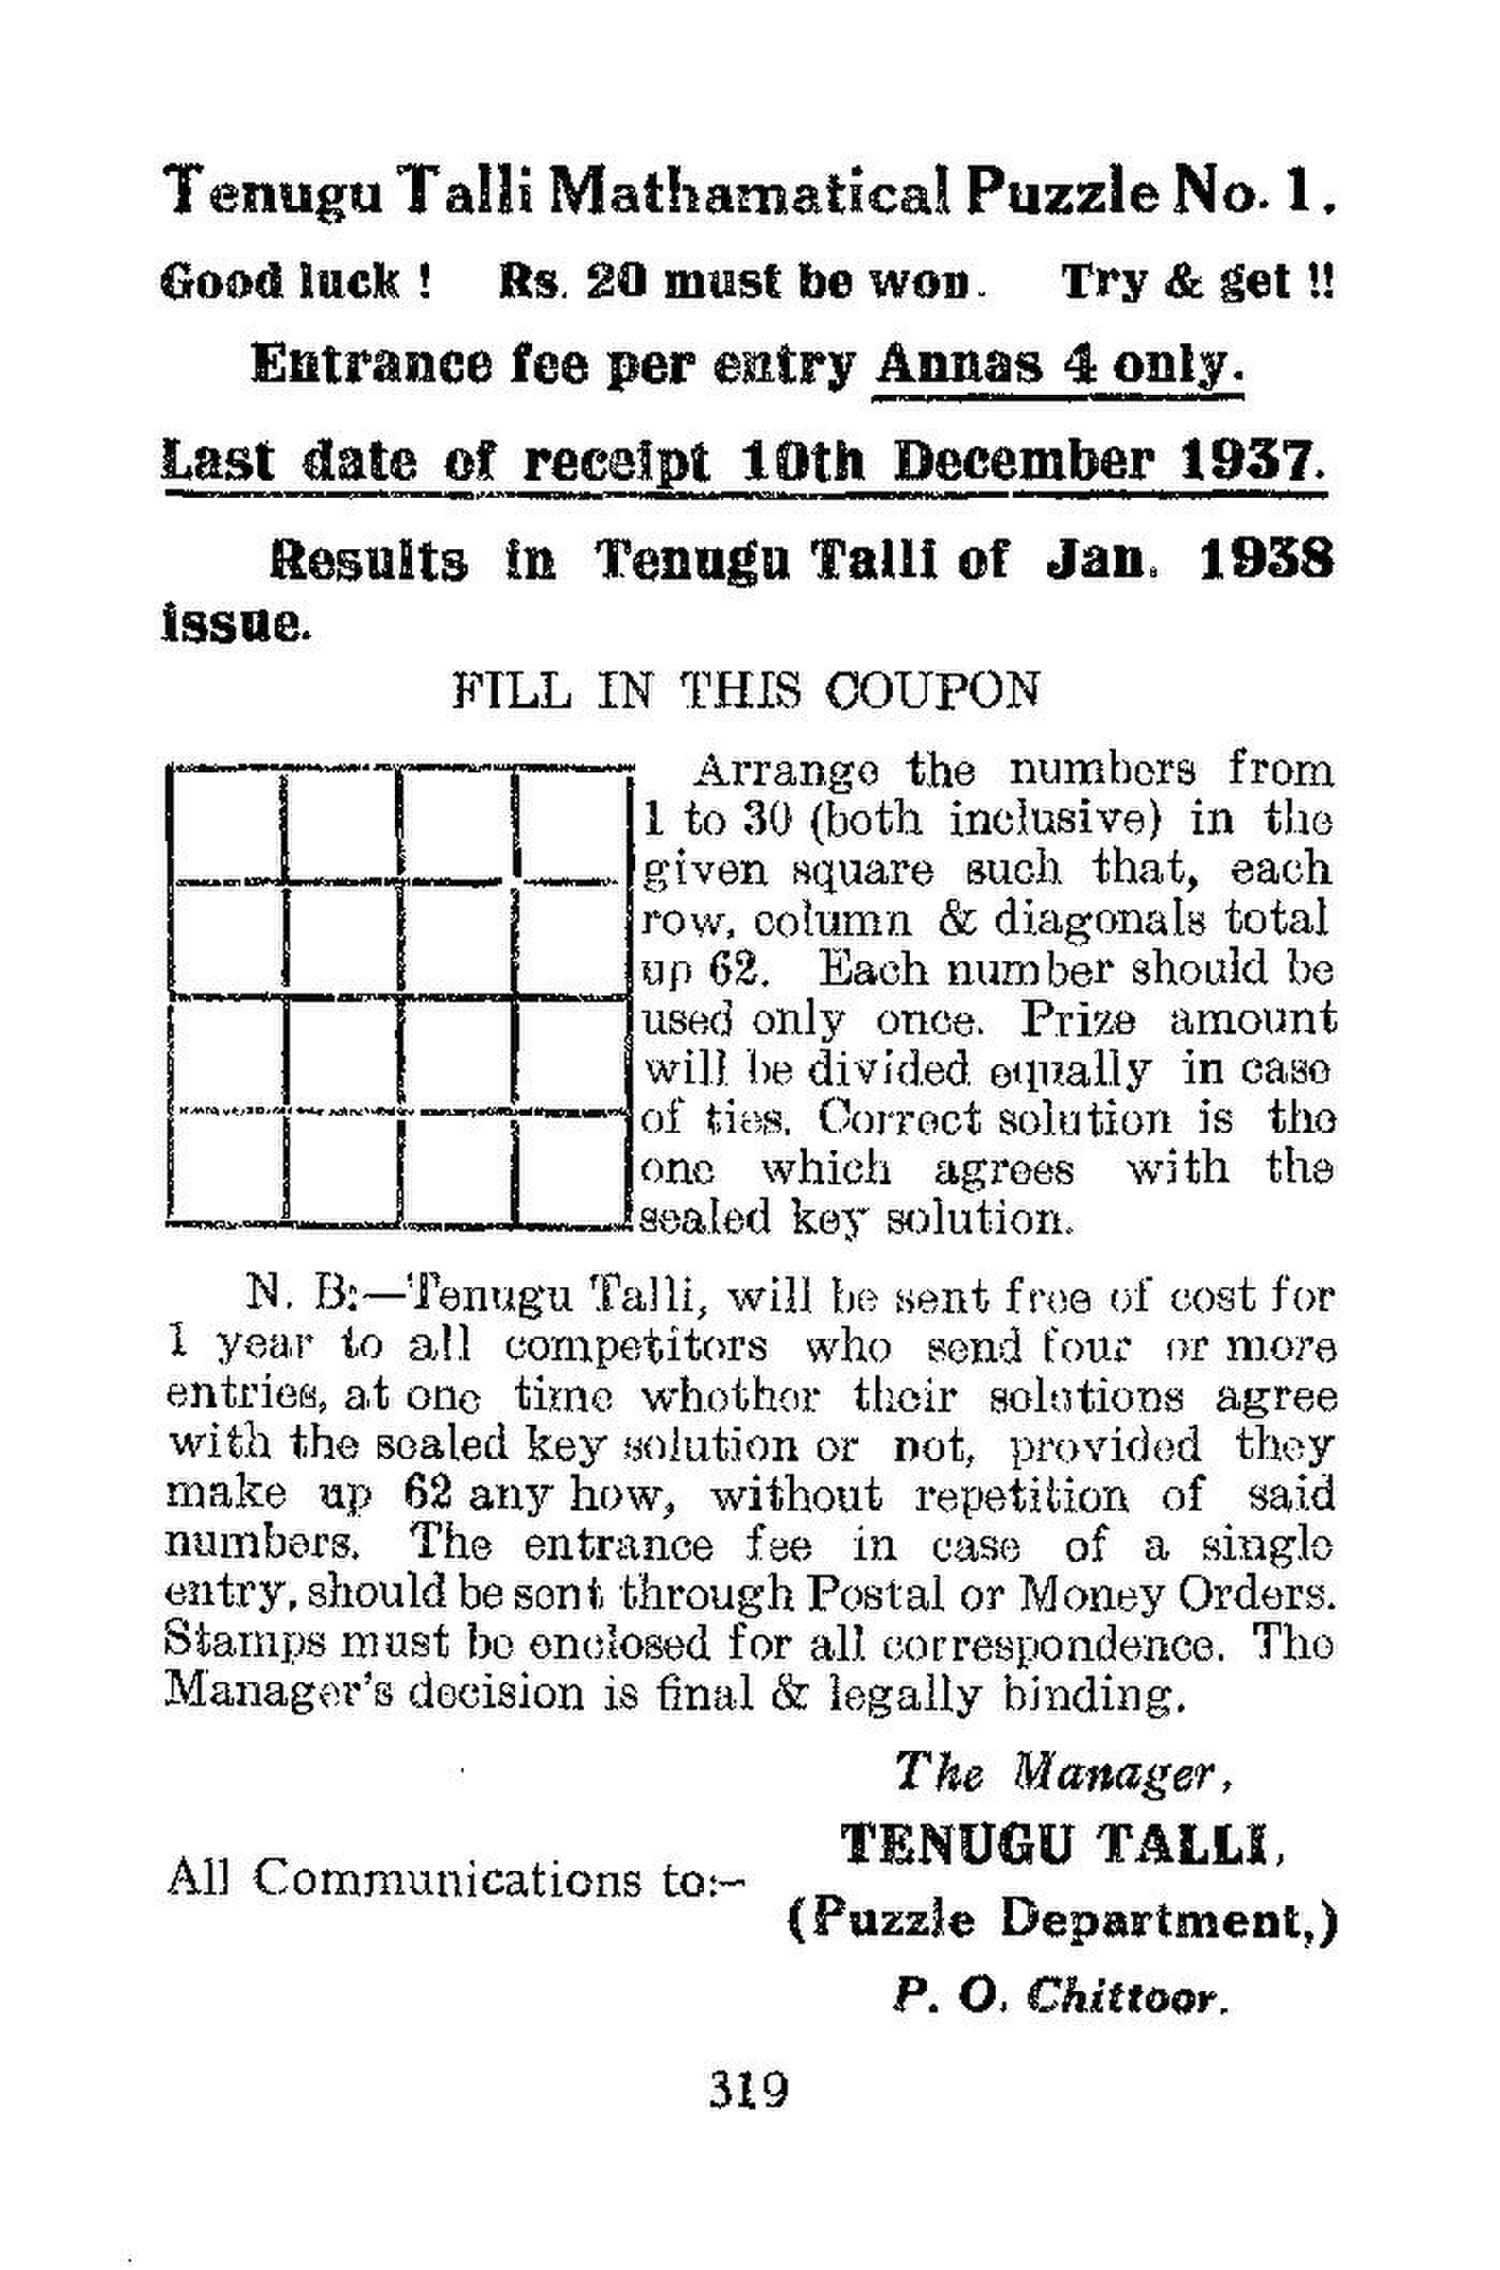Tenugu Talli Mathamatical Puzzle No.1.
Good luck ! Rs. 20 must be won Try & get !!
Entrance fee per entry Annas 4 only.
Last date of receipt 10th December 1937
 Resulta in Tenugu Talli of Jan. 1938 Issue.
 FILL IN THIS COUPON

 
Arrange the numbers from 1 to 30 (both inclusive) in the given square such that, each row, column & diagonals total up 62. Each number should be used only once. Prize amount will be divided equally in case of ties. Correct solution is the one which agrees with the sealed key Solution.

 N.B:- Tenugu Talli, will be sent free of cost for 1 year to all competitors who send four or more entries, at one time whether their solutions agree with the sealed key solution or not, provided they make up 62 any how, without repetition of said numbers. The entrance fee in case of a single entry, should be sent through Postal or Money Orders. Stamps must be enclosed for all correspondence. The Manager's decision is final & legally binding.

All communications to:-
The Manager, TENUGU TALLI (Puzzle Department,) P.O. Chittoor